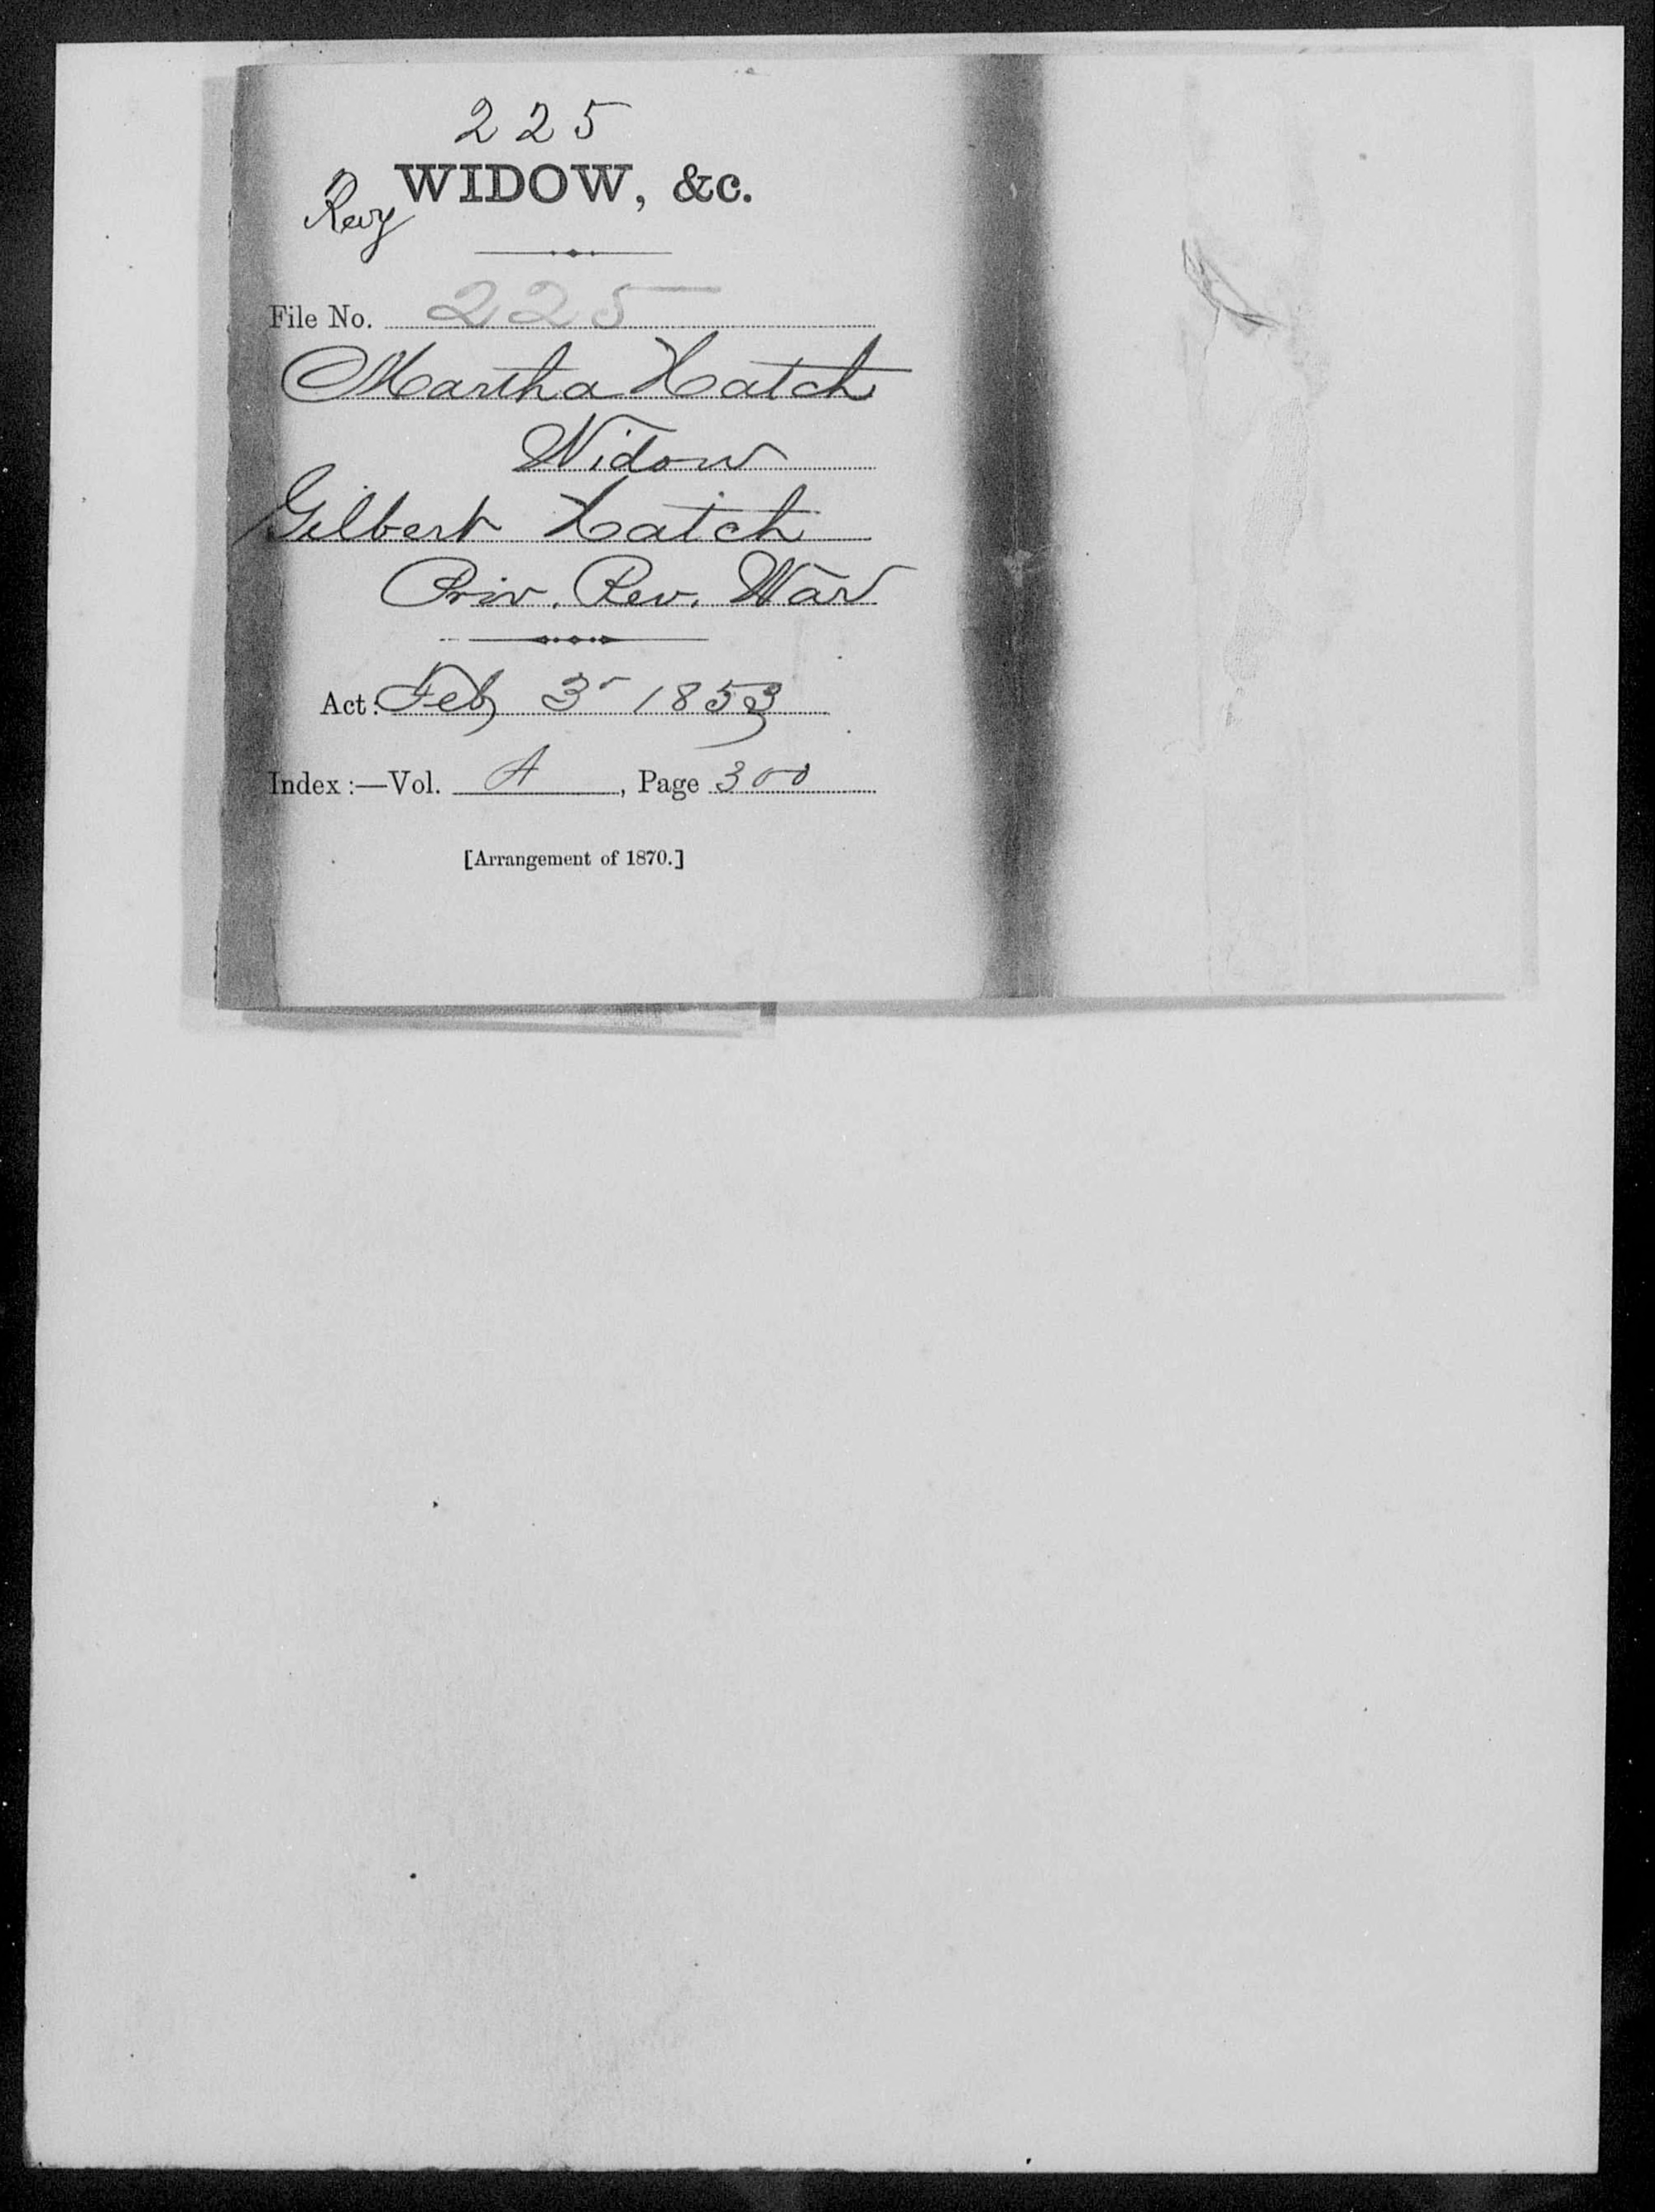225
Revy     WIDOW, &c.

File No. 225
Martha Hatch
Widow
Gilbert Hatch
Priv. Rev. War

Act. Feb 3d 1853

Index:--Vol. A, Page 300

[Arrangement of 1870.]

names: Martha Hatch, Gilbert Hatch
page: 47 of 47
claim: widow's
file: W. 225, Gilbert Hatch, Conn.